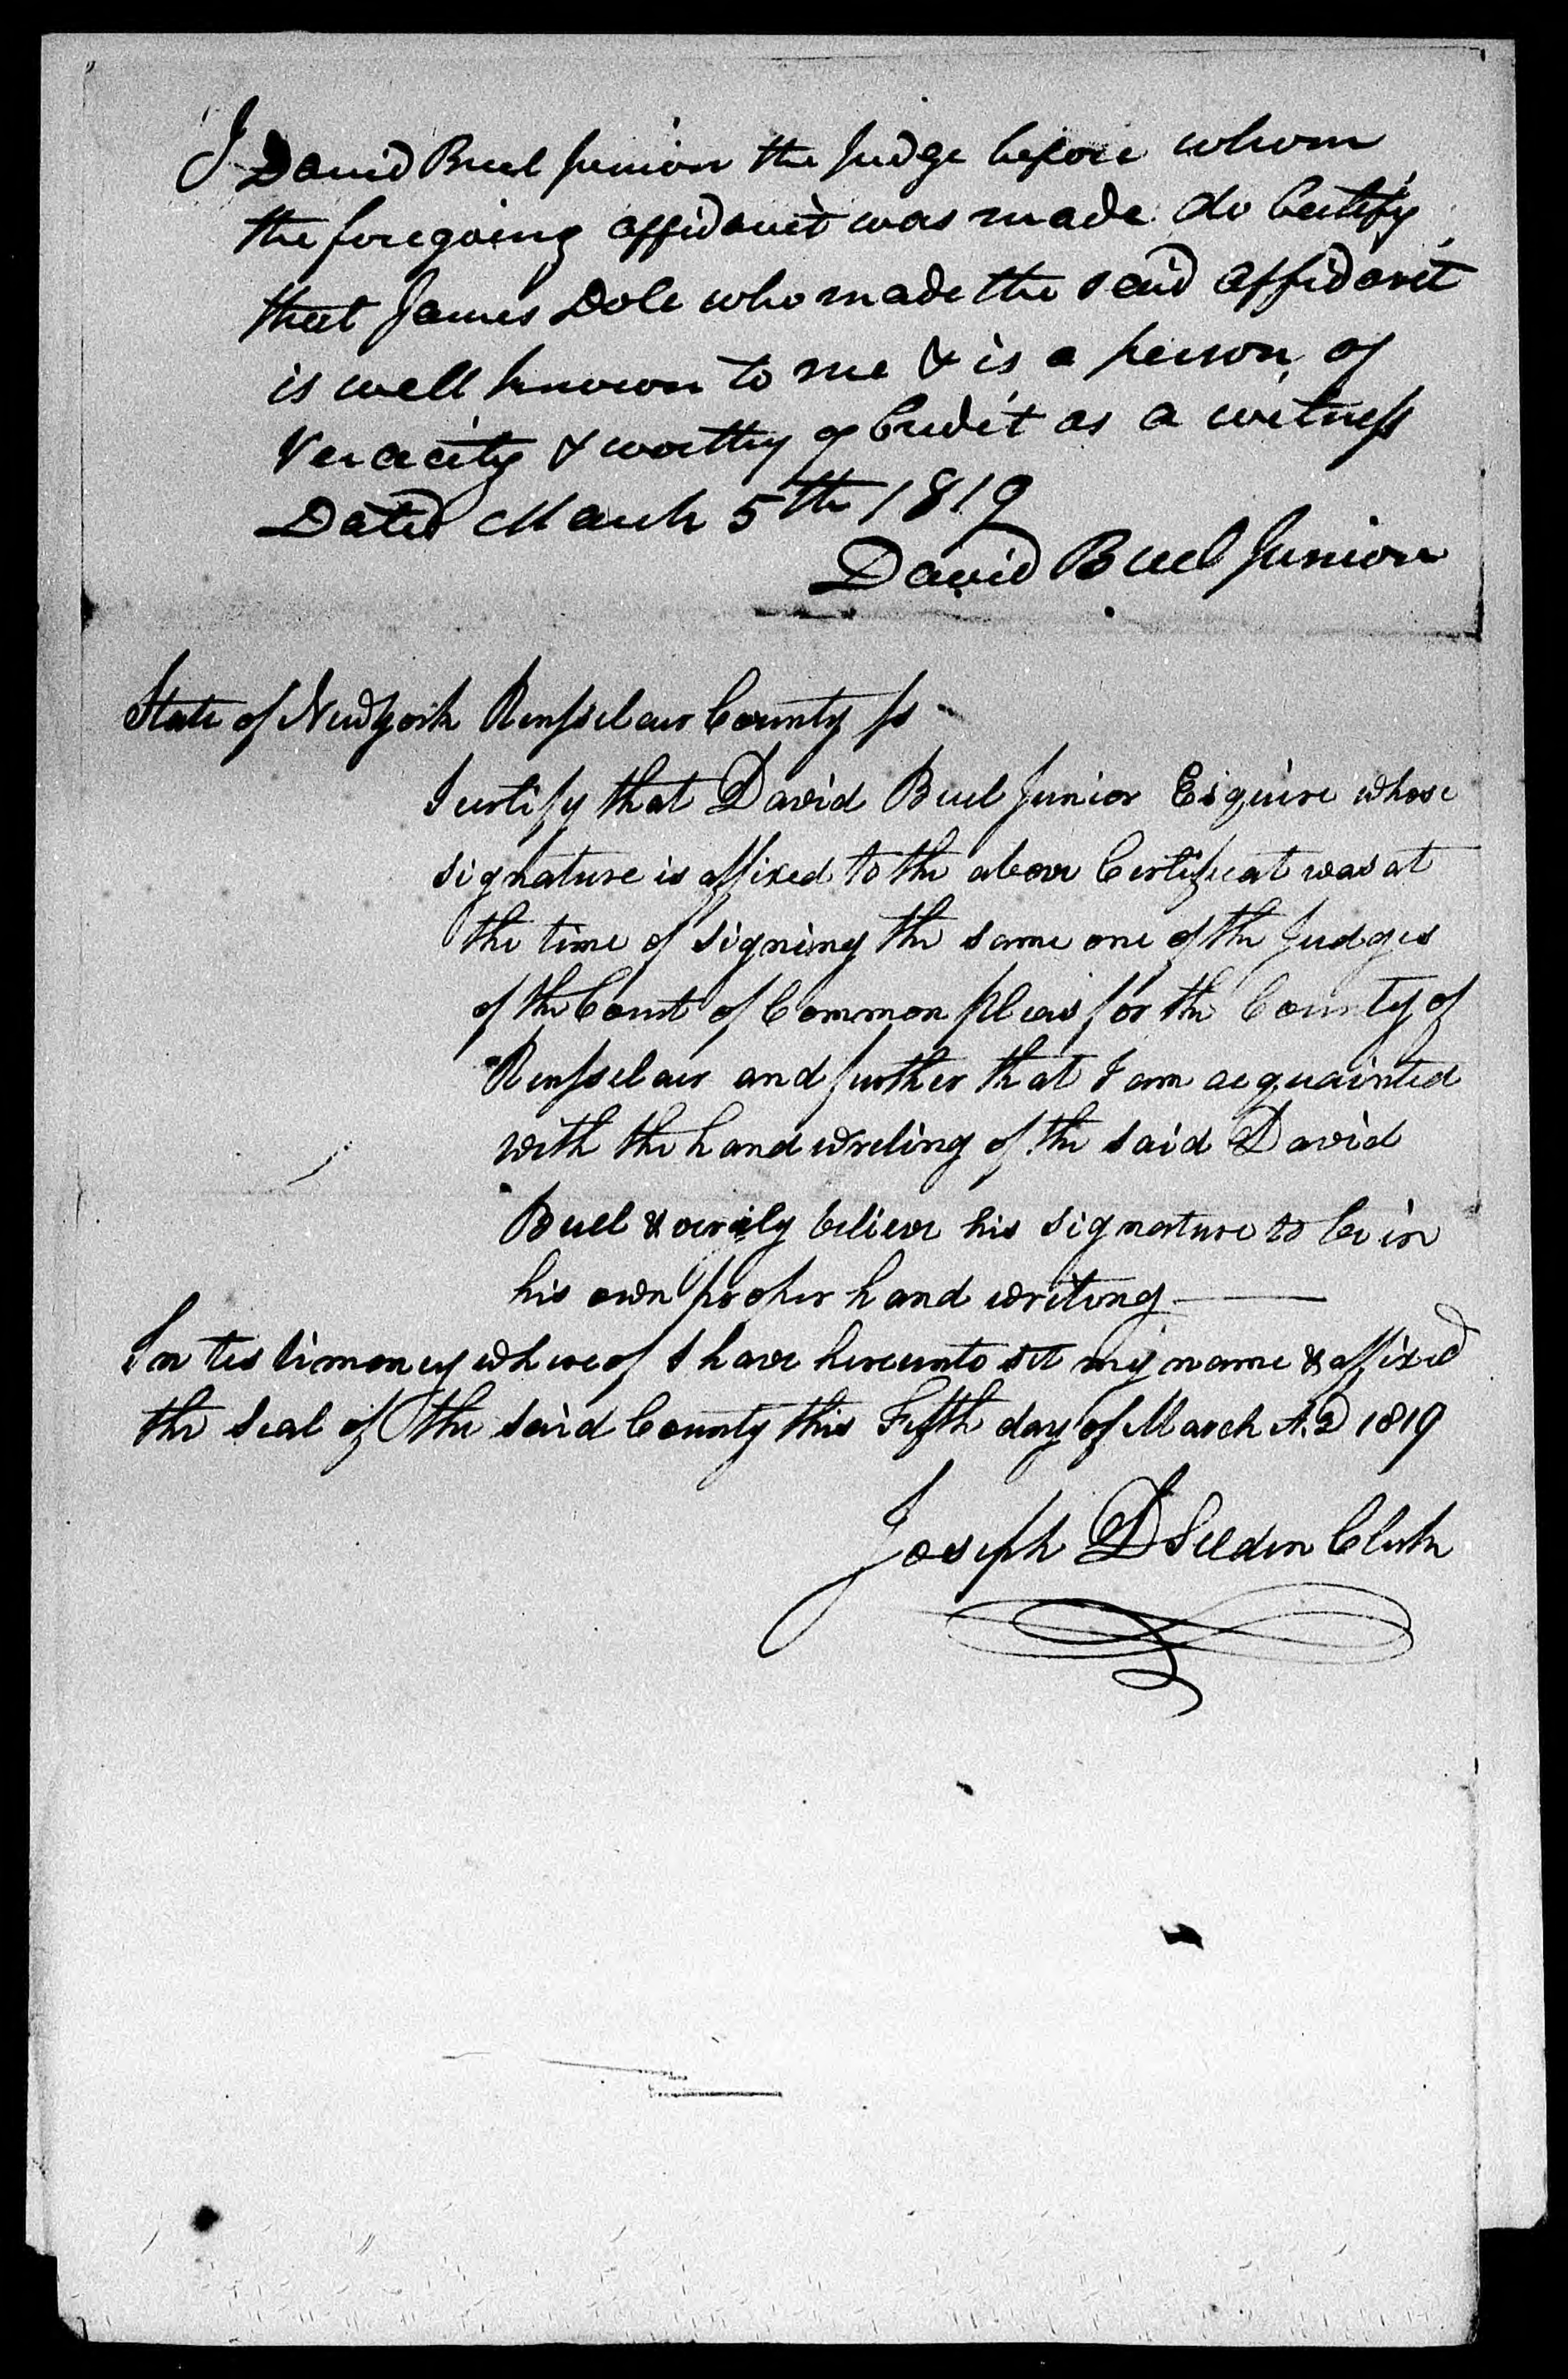I David Buel Junior the judge before whom the foregoing affidavit was made: do certify that James Dole who made the said affidavit is well known to me & is a person of veracity & worthy of credit as a witness
Dated March 5th 1819
David Buel Junior

State of New York Rensselaer County UNCLEAR
I certify that David Buel Junior Esquire whose signature is affixed to the above certificate was at the time of signing the same one of the judges of the Court of Common Pleas or the County of Rensselaer and further that I am acquainted with the hand writing of the said David Buel & verily believe his signature to be in his own proper hand writing -
In testimony whereof I have hereunto set my name & affixed the seal of the said county this fifth day of March A.D. 1819
Joseph D Selden Clerk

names: David Buel, James Dole, Joseph D Selden, David Buel, David Buel, David Buel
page: 60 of 60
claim: widow's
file: W 16,955, Samuel Dickinson, Conn.